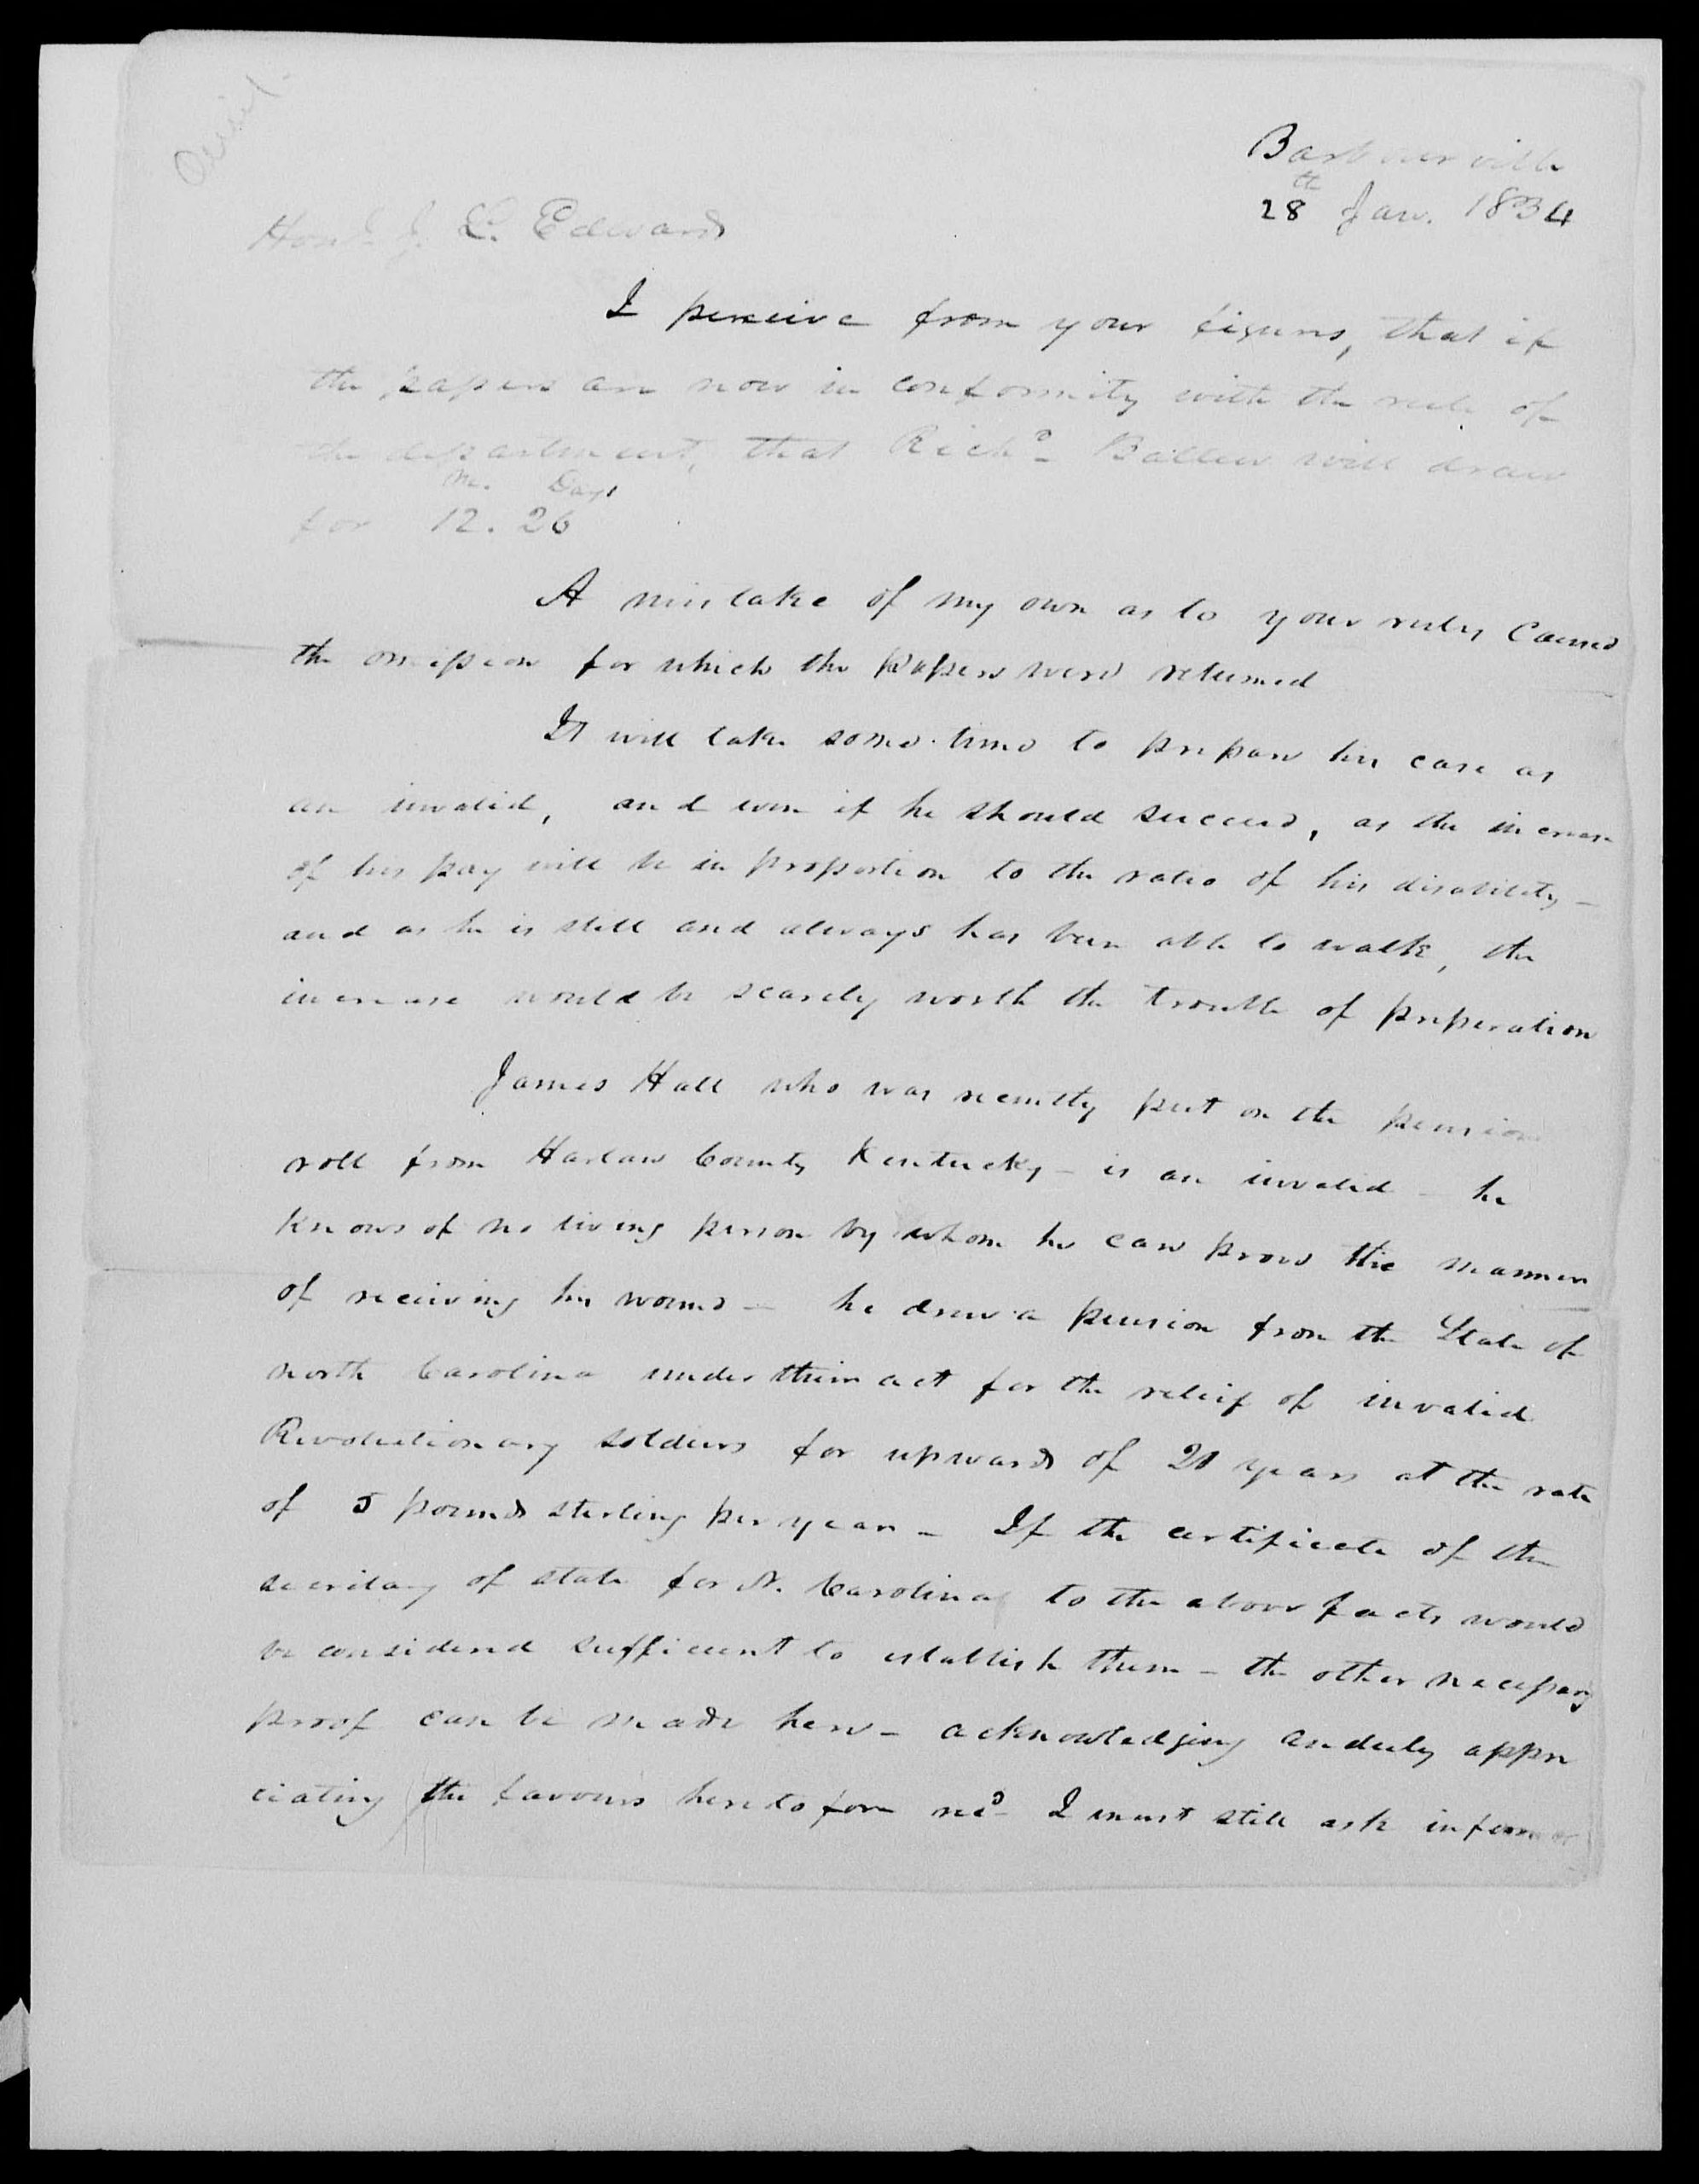Barbourville
28th Jan. 1834

Hon'l J. L. Edward
I perceive from your figures, that if the 
papers are now in conformity with the rule of
the department, that Rich'd. Ballew will draw
for 12 mo.   26 days.
A mistake of my own as to your rules caused
the omission for which the papers were returned.
I will take some time to prepare his case as an
invalid, and even if he should succeed, as the increase
of his pay will be in proportion to the rate of his disability
and as he is still and always has been able to walk, the 
increase would be scarcly worth the trouble of preperation.
James Hall who was recently put on the pension 
roll from Harlan County Kentucky is an invalid--he
knows of no living person by whom he can prove the 
[illegible] of receiving his [illegible]-- he drew a pension from the State of North Carolina under their act for the relief of invalid Revolutionary soldiers for upwards of 21 years at the rate of 5 pounds starting per year.  If the certificate of the secritary of state for N. Carolina to the above facts would be considered sufficient to establish them, the other necessary proof can be made here--acknowledging  a duly [illegible] the favours heretofore [illegible] I must still ask information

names: James Hall, Richd Ballew, J L Edwards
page: 22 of 33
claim: survivor's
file: S. 15305, Richard Ballew, N.C.